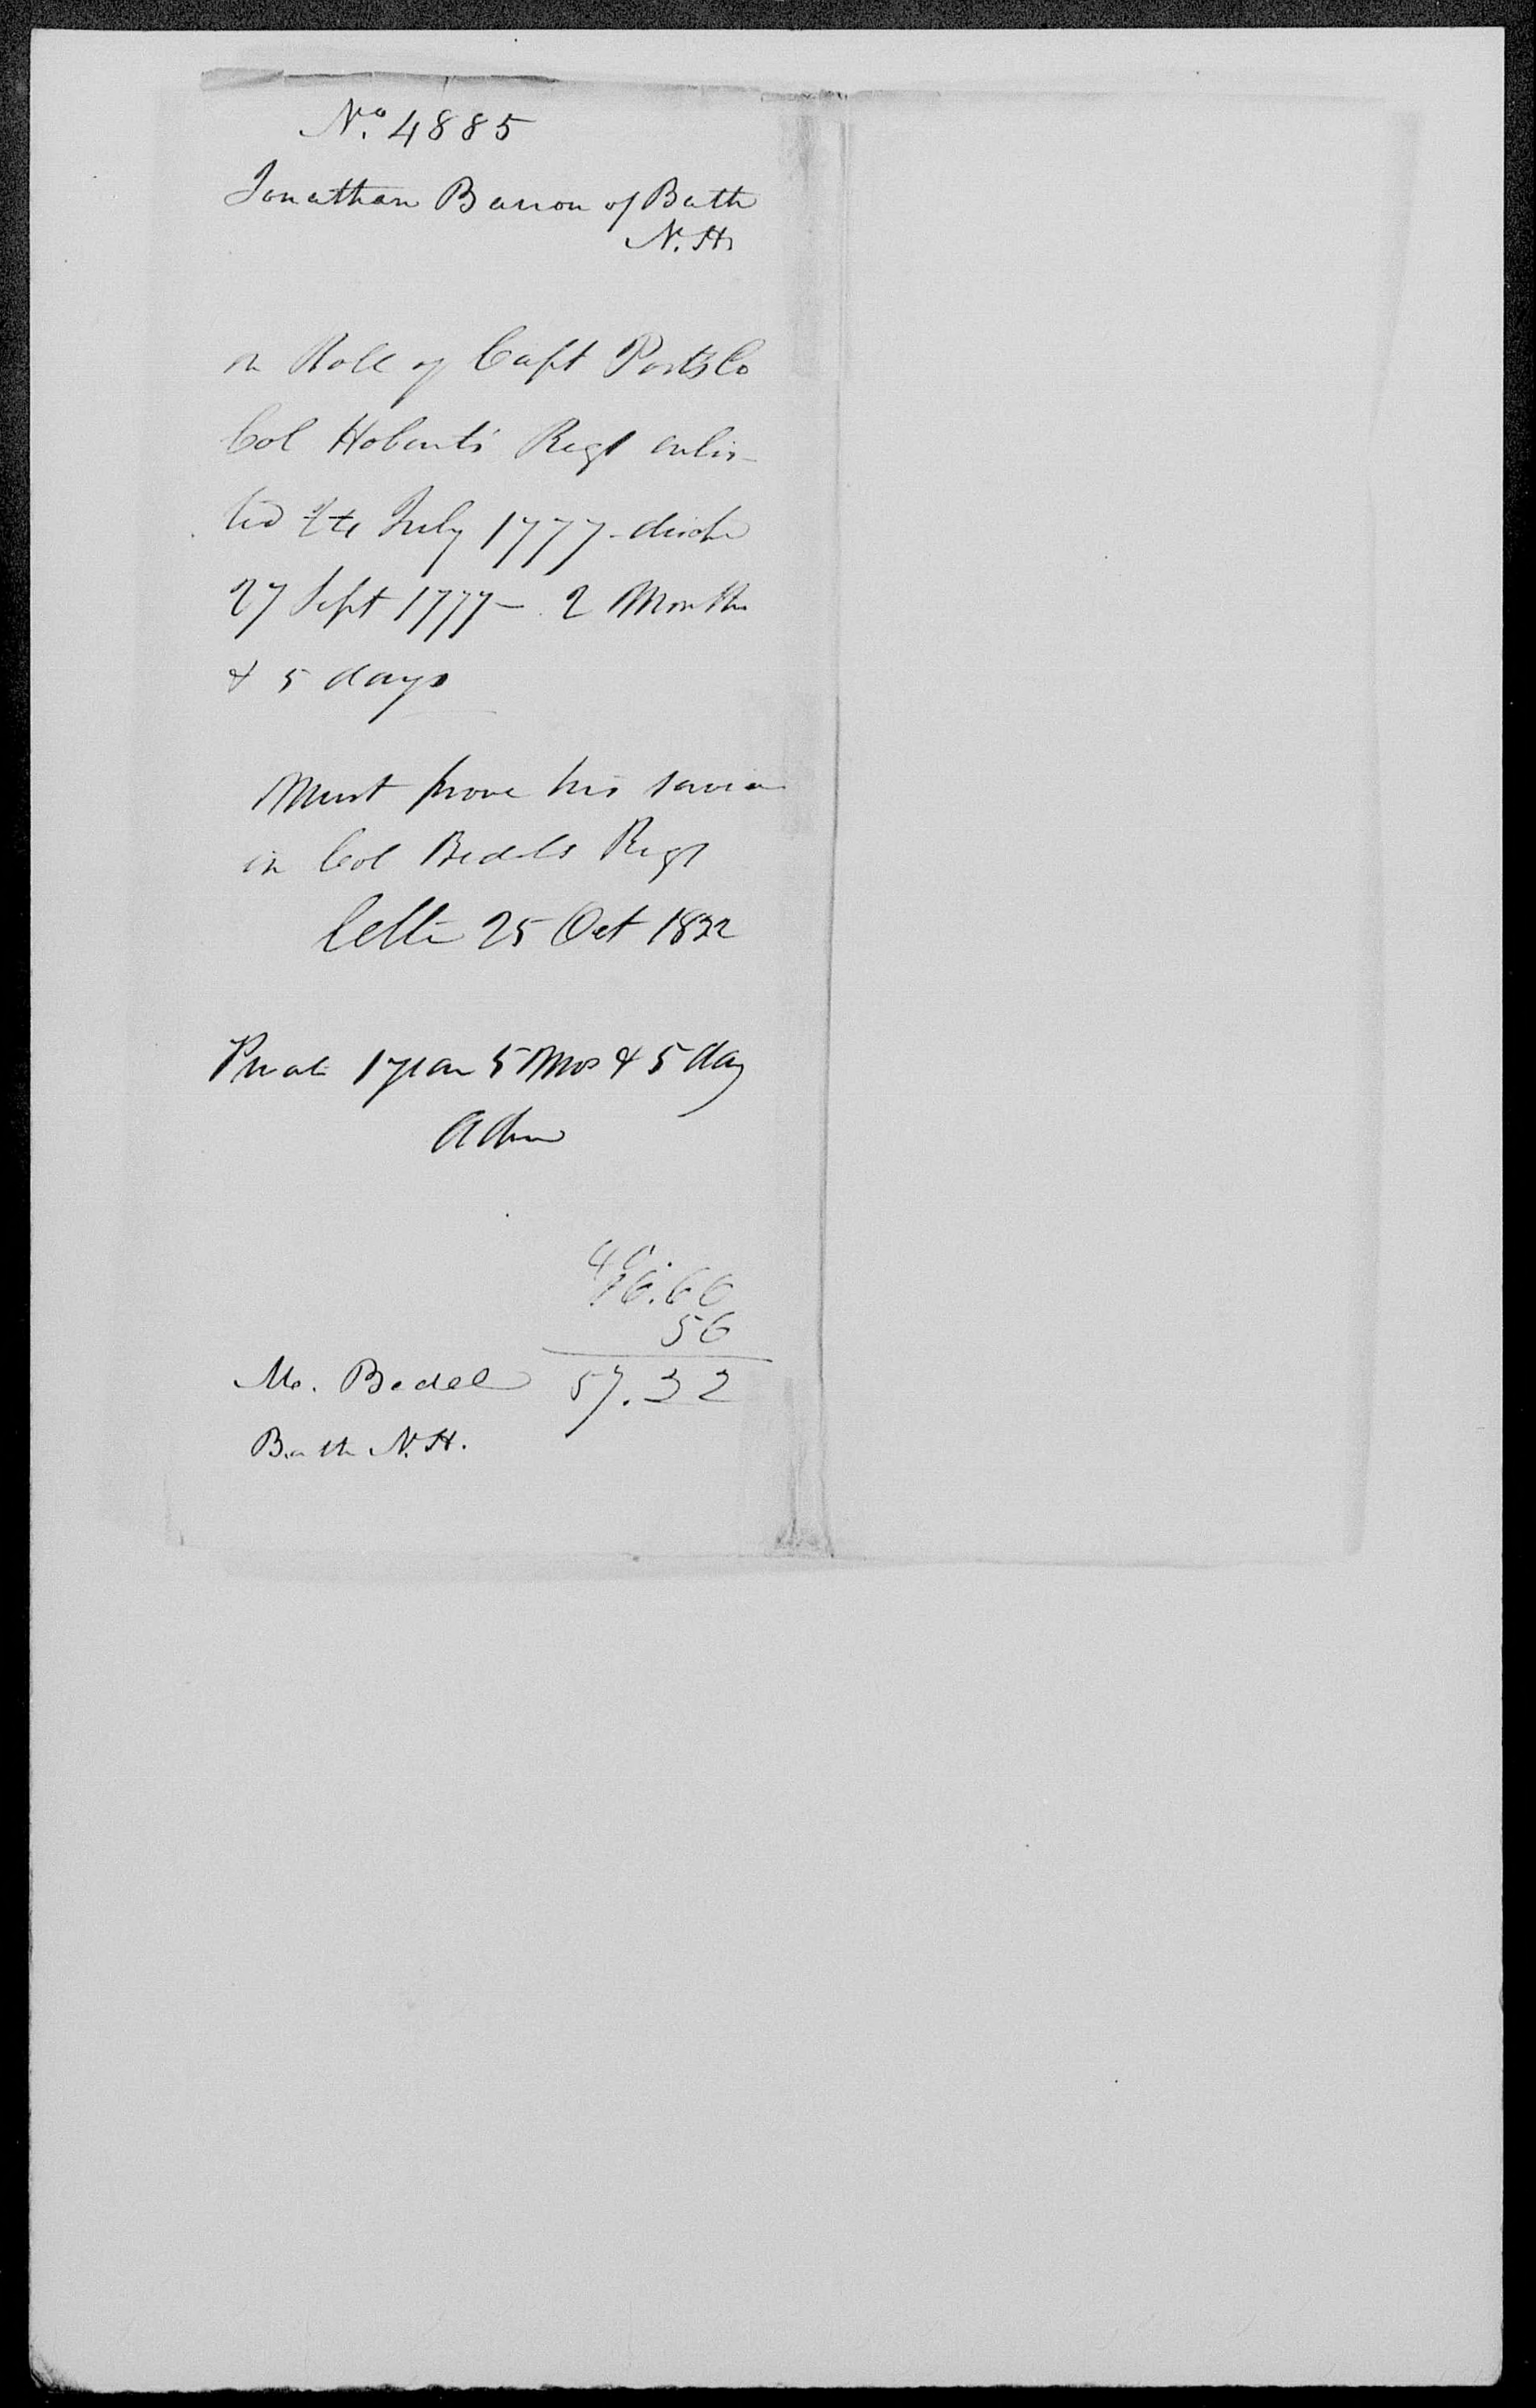No. 4885
Jonathan Barron of Bath N.H.

on Roll of Capt Ports Co
Col Hobart's Regt enlisted 7th July 1777 [illegible] 27 Sept 1777 - 2 months & 5 days

Must prove his service in Col Bedel's Regt 
letter 25 Oct 1832

Private 1 year 5 mos & 5 day
Allen


M. Bedel
Bath N.H.


[there is some figuring at bottom of page next to M. Bedel 40 + 16.66 + 0.56 = 57.22 written above each other]
40
16.66
     56
57.32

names: Jonathan Barron, M Bedel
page: 5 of 25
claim: survivor's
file: S. 28986, Jonathan Barron, N.H.